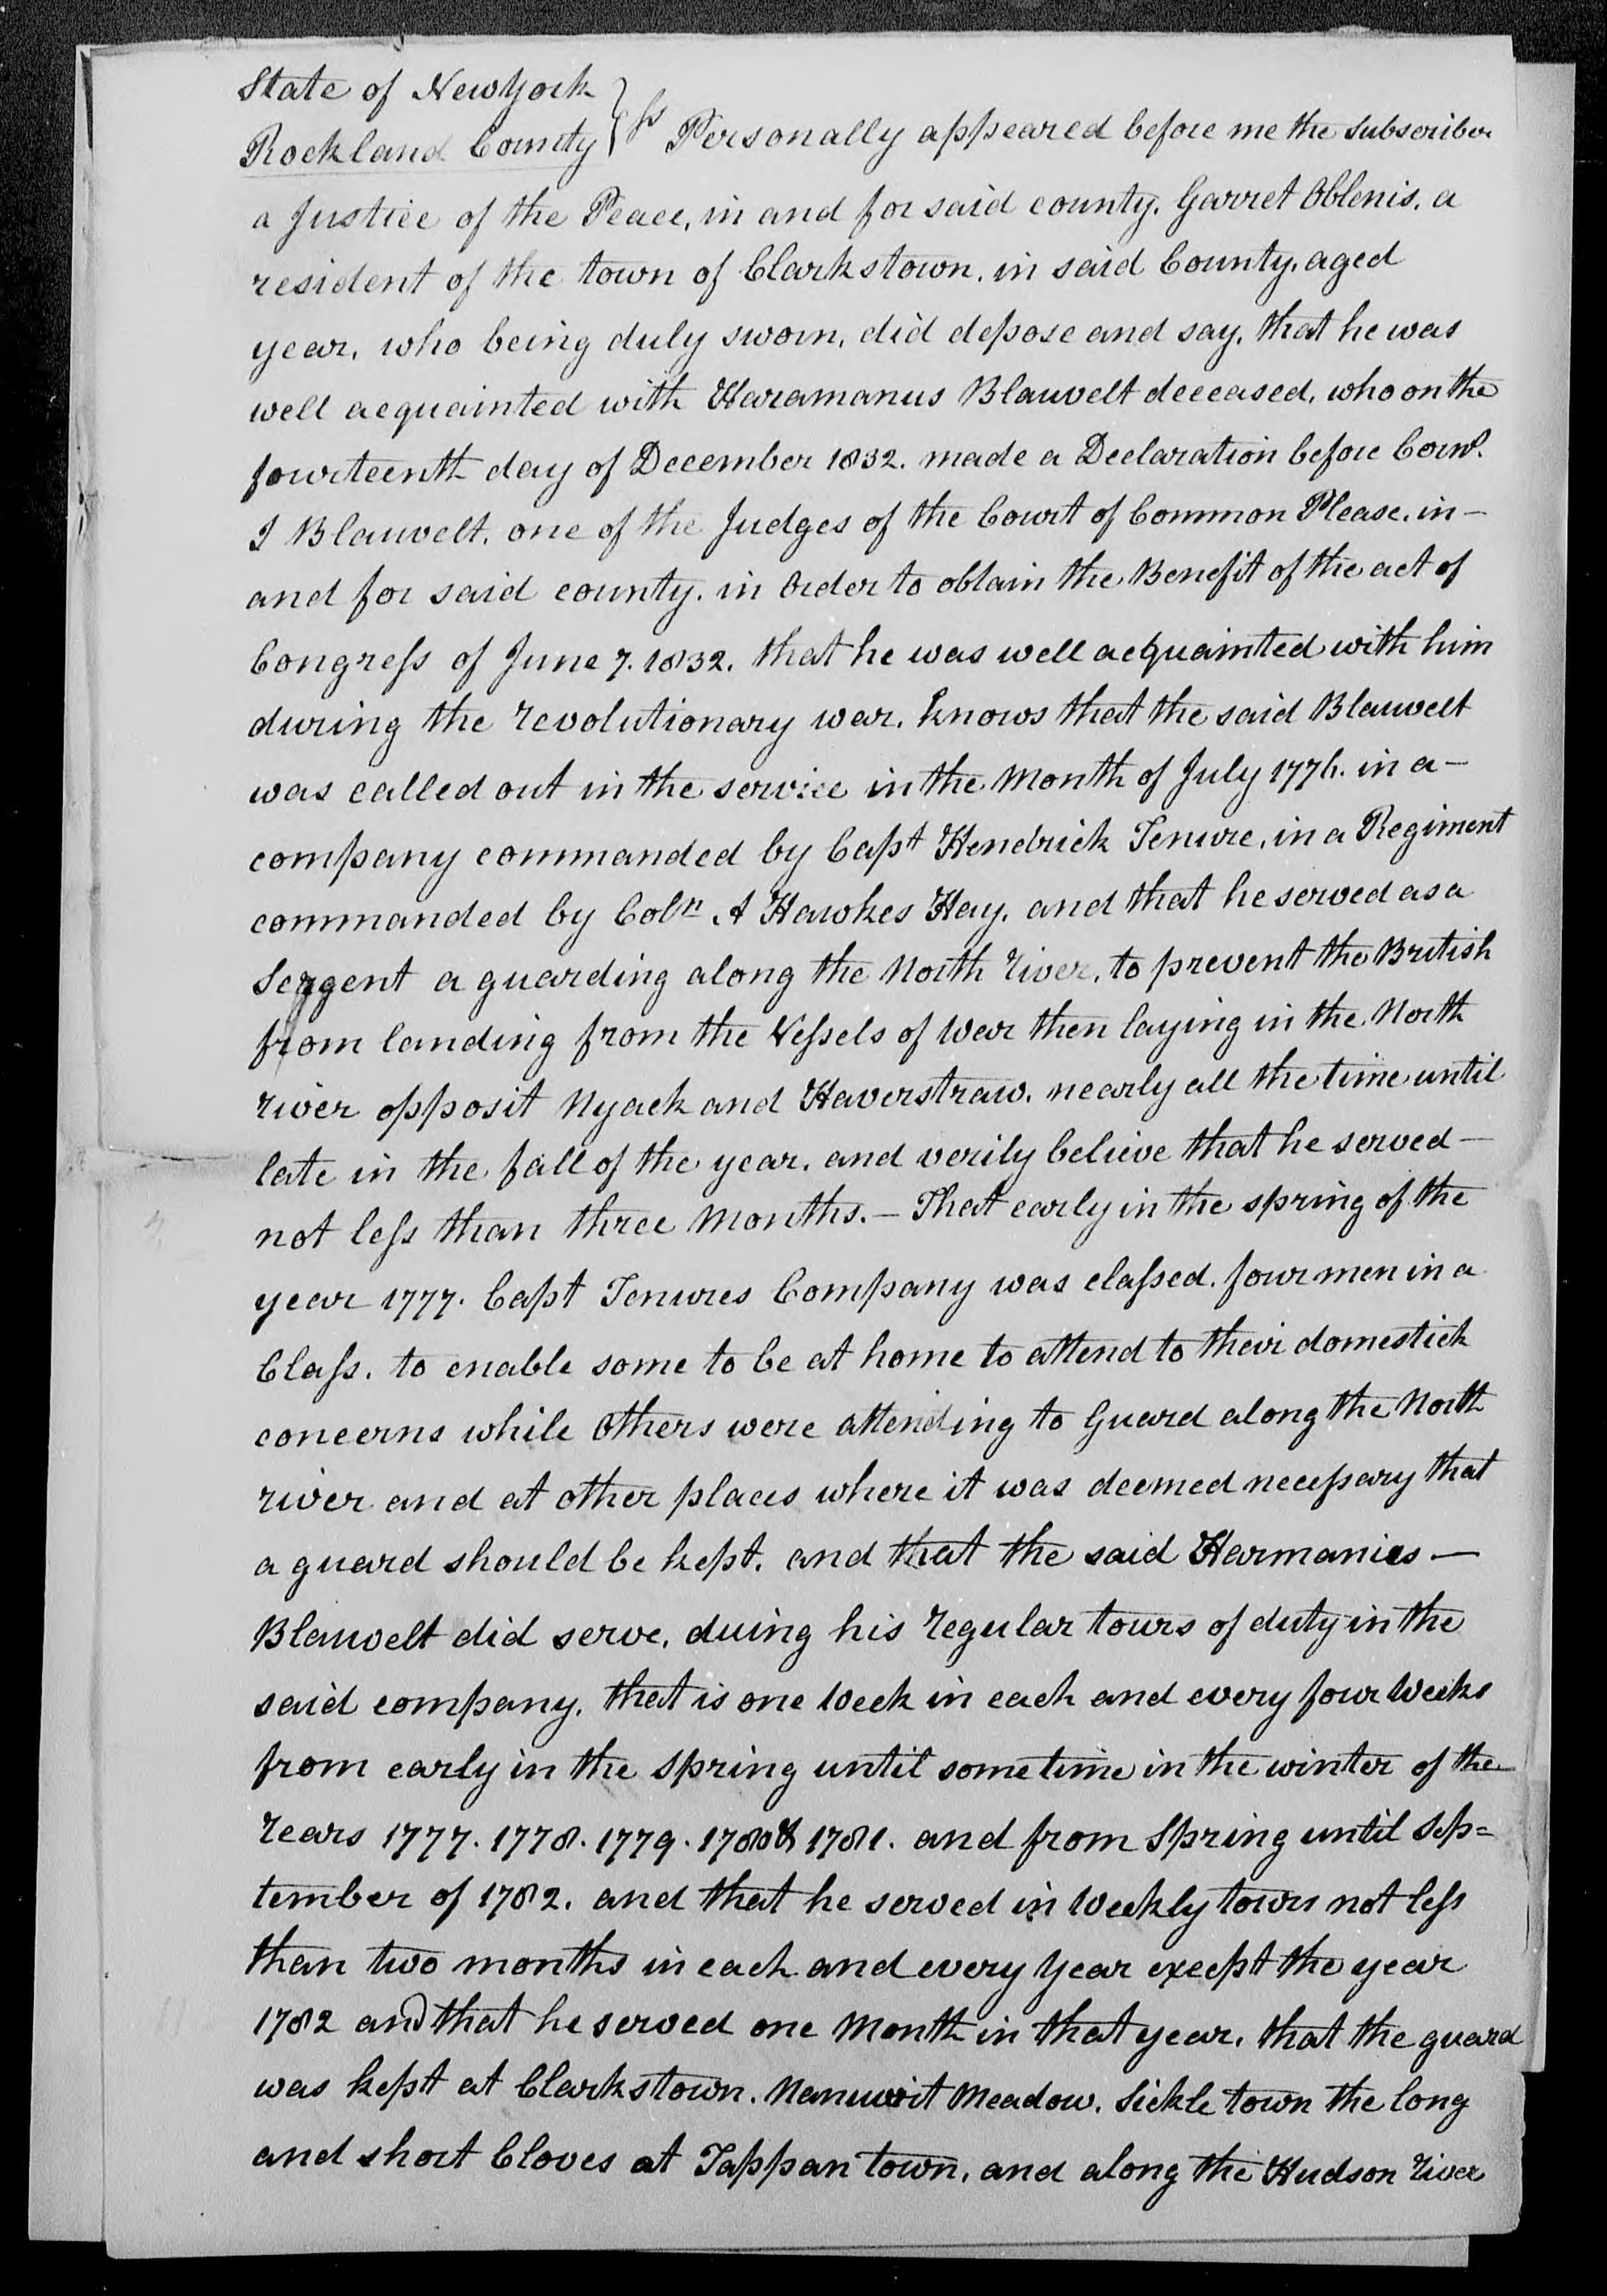State of New York
Rockland County Ss
Personally appeared before me the subscriber a Justice of the Peace, in and for said county, Garret Oblenis, a resident of the town of Clarkstown, in said County, aged {blank] year, who being duly sworn, did depose and say, that he was well acquainted with Harmanus Blauvelt deceased, who on the fourteenth day of December 1832, made a Declaration before Cornl. I Blauvelt, one of the Judges of the Court of Common Please, in and for said county, in order to obtain the Benefit of the act of Congress of June 7, 1832, that he was well acquainted with him during the revolutionary war, knows that the said Blauvelt was called out in the service in the month of July 1776, in a company commanded by Capt Hendrick Tenure, in a Regiment commanded by Coln A Hawkes Hay, and that he served as a sergent a guarding along the north river, to prevent the British from landing from the Vessels of War then laying in the North river opposit Nyack and Haverstraw, nearly all the time until late in the fall of the year, and verily believe that he served not less than three months. That early in the spring of the year 1777, Capt Tenures Company was classed, four men in a class, to enable some to be at home to attend to their domestick concerns while others were attending to Guard along the North river and at other places where it was deemed necessary that a guard should be kept, and that the said Harmanis Blauvelt did serve, during his regular tours of duty in the said company, that is one week in each and every four weeks from early in the spring until some time in the winter of the years 1777, 1778, 1779, 1780 & 1781, and from Spring until September of 1782, and that he served in weekly tours not less than two months in each and every year except the year 1782 and that he served one month in that year, that the guard was kept at Clarkstown, Nanuwit Meadow, Sickle town the long and short Cloves at Tappan town, and along the Hudson river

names: Hendrick Tenure, Harmanies Blauvelt, Garret Oblenis, A Hawkes Hay, Haramanus Blauvelt, Blauvelt, Corns I Blauvelt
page: 31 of 33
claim: survivor's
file: S. 22,653, Harmanus Blauvelt, New York